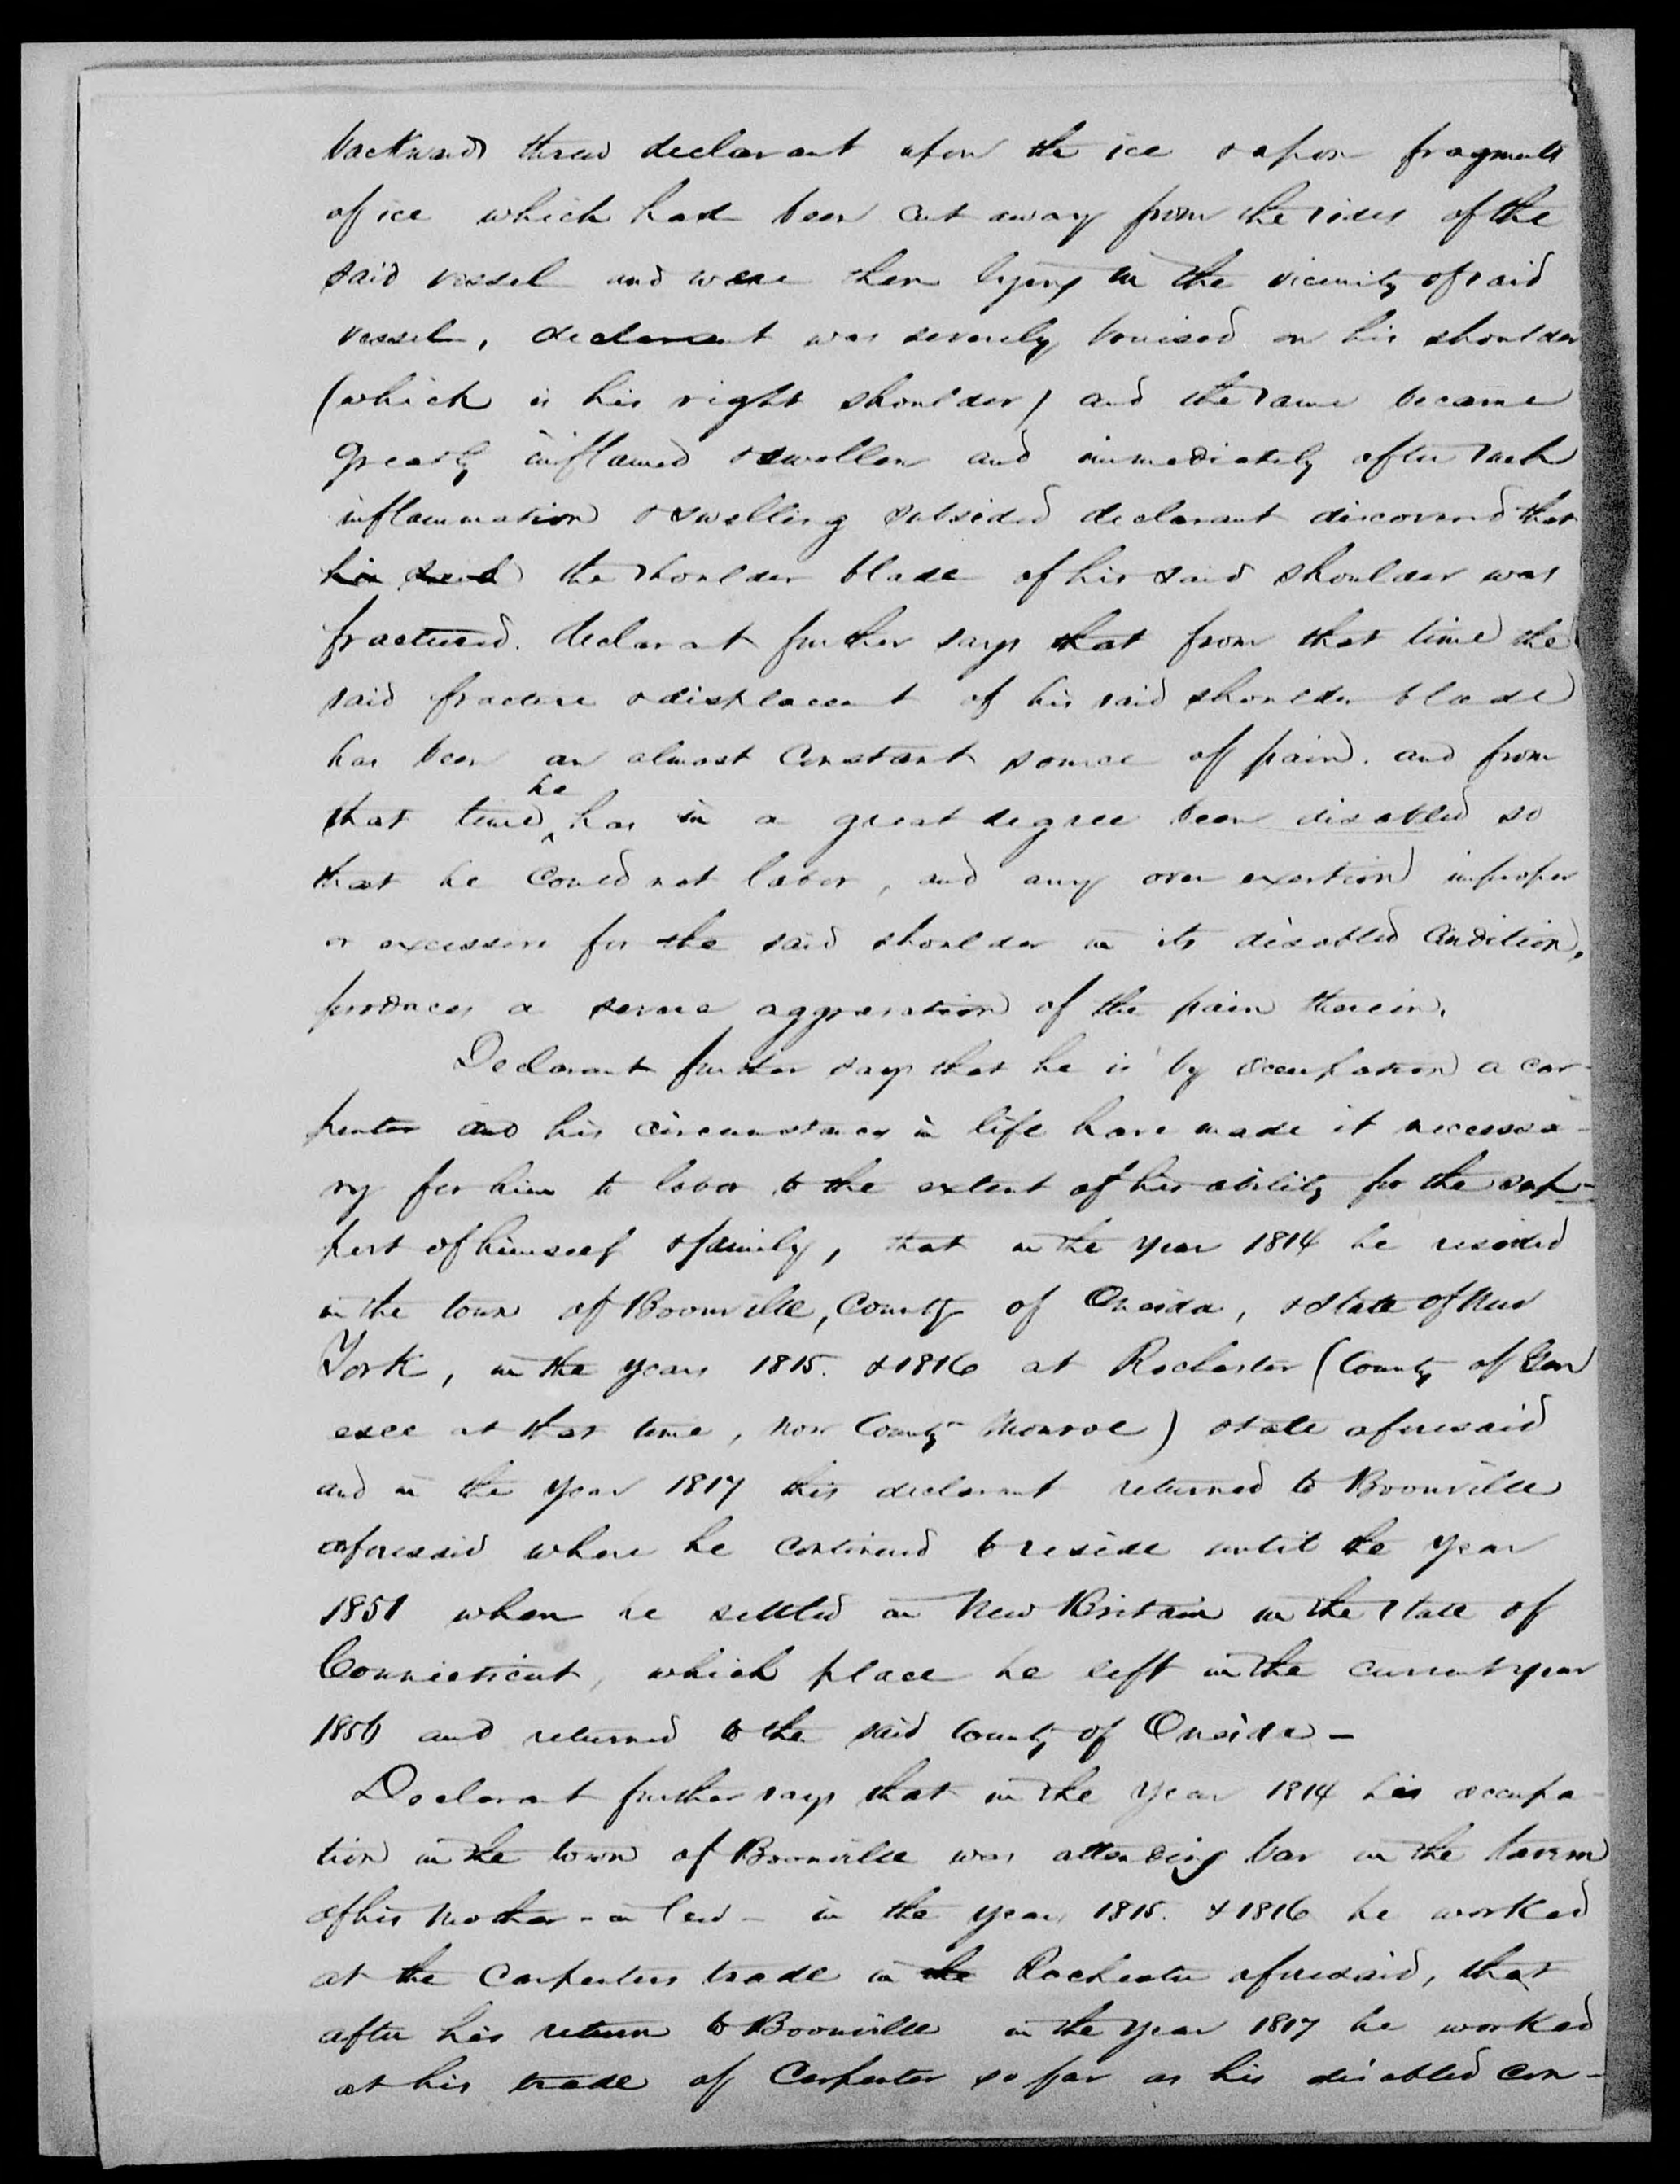backward threw declarant upon the ice & upon fragments of ice which had been cut away from the sides of the said vessel and were then lying in the vicinity of said vessel, declarant was severely bruised on his shoulder (which is his right shoulder) and the same became greatly inflamed & swollen and immediately after such inflammation & swelling subsided declarant discovered that the shoulder blade of his said shoulder was fractured. declarant further says that from that time the said fracture & displacement of his said shoulder blade has been an almost constant source of pain, and from that time he has in a great degree been disabled so that he could not labor, and any over exertion improper or excessive for the said shoulder in its disabled condition, produces a severe aggravation of the pain therein 
Declarant further says that he is by occupation a carpenter and his circumstances in life have made it accessory for him to labor to the extent of his ability for the support of himself & family, that in the year 1814 he resided in the town of Boonville, County of Oneida, & State of New York, in the year 1815 & 1816 at Rochester (County of Genesee at that time, now County Monroe) state aforesaid and in the year 1817 this declarant returned to Boonville aforesaid where he continued to reside until the year 1851 when he settled in New Britain in the State of Connecticut, which place he left in the current year 1856 and returned to the said County of Oneida –
Declarant further says that in the year 1814 his occupation in the town of Boonville was attending bar on the tavern of his Mother-in law - in the years 1815 & 1816 he worked at the Carpenters trade in Rochester aforesaid, that after his return to Boonville in the year 1817 he worked at his trade of carpenter so far as his disabled con- [condition]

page: 4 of 44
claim: rejected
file: R. 17,033, for Joseph Perkins, New York